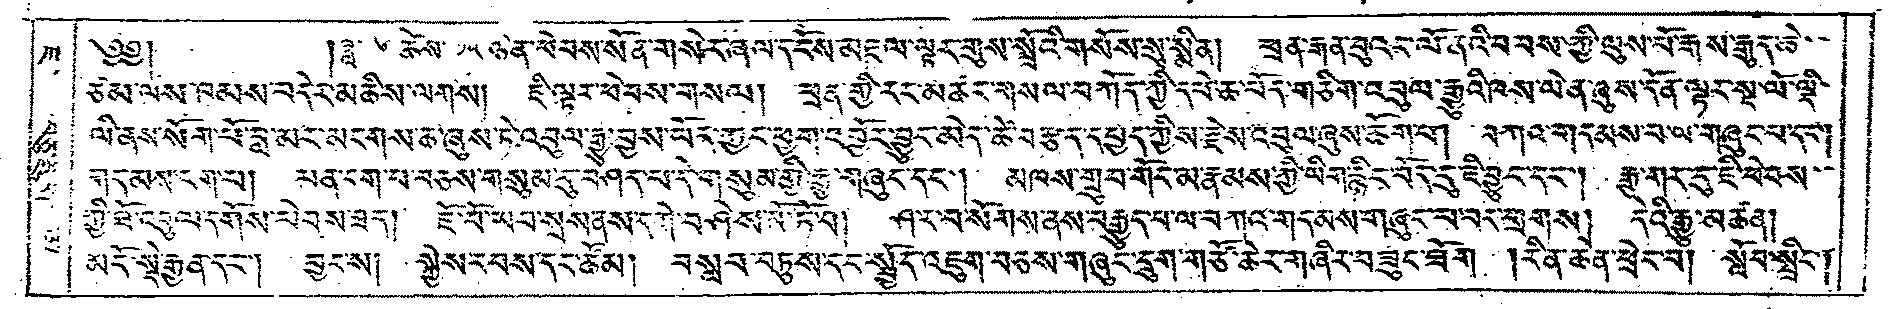༄༅། །ཟླ ༦་ཚེས ༡༥་ཉིན་ཕེབས་སོན་གསེར་ཞལ་དངོས་མཇལ་ལྟར་གུས་སྤྲོའི་གསོས་སུ་སྨིན། ཕྲན་རྒན་བུའང་ལོ་ནའི་བབས་ཀྱི་ལུས་པོ་རྒས་རྒུད་ཆེ་
ཙམ་ལས་ཁམས་བདེར་མཆིས་ལགས། ཇི་ལྟར་ཕེབས་གསལ། ཕྲན་གྱི་རང་མཚང་གསལ་བཀོད་ཀྱི་དཔེ་ཆ་པོད་གཅིག་འབུལ་རྒྱུའི་ཁས་ལེན་ཞུས་དོན་ལྟར་སྔ་ལོ་ལྡི་
ལི་ནས་སོག་པོ་བླ་མར་མངགས་ཆ་ཞུས་ཏེ་འབུལ་རྒྱུ་བྱས་ཡོད་ཀྱང་ཕྱག་འབྱོར་བྱུང་མེད་ཚེ་བརྩད་དཔྱད་ཀྱིས་རྗེས་འབུལ་ཞུས་ཆོག་པ། བཀའ་གདམས་པ་ལ་གཞུང་པ་དང་།
གདམས་ངག་པ། མན་ངག་པ་བཅས་གསུམ་དུ་བཤད་པ་དེ་གསུམ་གྱི་རྒྱ་གཞུང་དང་། མཁས་གྲུབ་གོང་མ་རྣམས་ཀྱི་ཡིག་རྙིང་བོད་དུ་ཇི་བྱུང་དང་། རྒྱ་གར་དུ་ཇི་ཕེབས་
ཀྱི་ཐོ་འབུལ་དགོས་ཕེབས་ཟད། ཇོ་བོ་ཡབ་སྲས་ནས་དགེ་བཤེས་པོ་ཏོ་བ། ཤ་ར་བ་སོགས་ནས་བརྒྱུད་པ་ལ་བཀའ་གདམས་གཞུང་པ་བར་གྲགས། དེའི་རྒྱུ་མཚན།
མདོ་སྡེ་རྒྱན་དང་། བྱང་ས། སྐྱེས་རབས་དང་ཚོམ། བསླབ་བཏུས་དང་སྤྱོད་འཇུག་བཅས་གཞུང་དྲུག་གཙོ་ཆེར་གཞིར་བཟུང་ཐོག །རིན་ཆེན་ཕྲེང་བ། སློབ་སྤྲིང་།